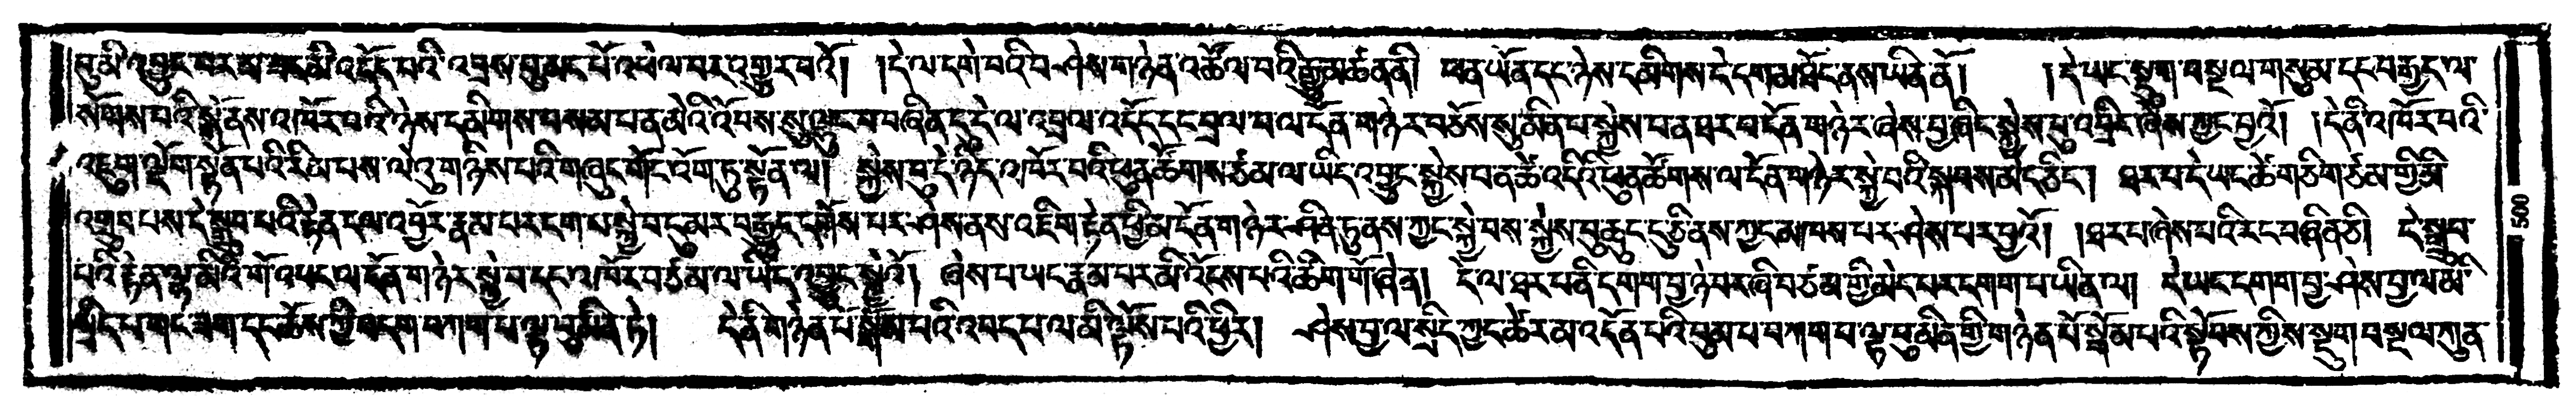བུ་མི་འབྱུང་བར་མ་ཟད་མི་འདོད་པའི་འབྲས་བུ་མང་པོ་འཕེལ་བར་འགྱུར་བའོ། །དེ་ལ་དགེ་བའི་བཤེས་གཉེན་འཚོལ་བའི་རྒྱུ་མཚན་ནི། ཕན་ཡོན་དང་ཉེས་དམིགས་དེ་དག་མཐོང་ནས་ཡིན་ནོ། །དེ་ཡང་སྡུག་བསྔལ་གསུམ་དང་བརྒྱད་ལ་
སོགས་པའི་སྒོ་ནས་འཁོར་བའི་ཉེས་དམིགས་བསམ་པ་ན་མེའི་འོབས་སུ་ལྷུང་བ་བཞིན་དུ་དེ་ལ་འབྲལ་འདོད་དང་བྲལ་བ་ལ་དོན་གཉེར་བཅོས་སུ་མིན་པ་སྐྱེས་པ་ན་ཐར་པ་དོན་གཉེར་ཞེས་བྱ་ཞིང་སྐྱེས་བུ་འབྲིང་ཞེས་ཀྱང་བྱའོ། །དེ་ནི་འཁོར་བའི་
འཇུག་ལྡོག་སྟོན་པའི་རིམ་པས་ལེའུ་གཉིས་པའི་གཞུང་གོང་འོག་ཏུ་སྟོན་ལ། སྐྱེས་བུ་དེ་ཉིད་འཁོར་བའི་ཕུན་ཚོགས་ཙམ་ལ་ཡིད་འབྱུང་སྐྱེས་པ་ན་ཚེ་འདིའི་ཕུན་ཚོགས་ལ་དོན་གཉེར་སྐྱེ་བའི་སྐབས་མེད་ཅིང་། ཐར་པ་དེ་ཡང་ཚེ་གཅིག་ཙམ་གྱི་མི་
འགྲུབ་པས་དེ་སྒྲུབ་པའི་རྟེན་དལ་འབྱོར་རྣམ་པར་དག་པ་སྐྱེ་བ་དུ་མར་བརྒྱུད་དགོས་པར་ཤེས་ནས་འཇིག་རྟེན་ཕྱི་མ་དོན་གཉེར་ཤིན་ཏུ་ནས་ཀྱང་སྐྱེ་བས་སྐྱེས་བུ་ཆུང་ངུ་ཅི་ནས་ཀྱང་མཁས་པར་ཤེས་པར་བྱའོ། །ཐར་པ་ཞེས་པའི་རང་བཞིན་ཅི། དེ་སྒྲུབ་
པའི་རྟེན་ལྷ་མིའི་གོ་འཕང་ལ་དོན་གཉེར་སྐྱེ་བ་དང་འཁོར་བ་ཙམ་ལ་ཡིད་འབྱུང་སྐྱེའོ། ཞེས་པ་ཡང་རྣམ་པར་མི་འོངས་པའི་ཚིག་གོ་ཞེ་ན། དེ་ལ་ཐར་པ་ནི་དགག་བྱ་ཉེ་བར་ཞི་བ་ཙམ་གྱི་མེད་པར་དགག་པ་ཡིན་ལ། དེ་ཡང་དགག་བྱ་ཤེས་བྱ་ལ་མི་
སྲིད་པ་གང་ཟག་དང་ཆོས་ཀྱི་བདག་བཀག་པ་ལྟ་བུ་མིན་ཏེ། དེ་ནི་གཉེན་པོ་སྒོམ་པའི་འབད་པ་ལ་མི་ལྟོས་པའི་ཕྱིར། ཤེས་བྱ་ལ་སྲིད་ཀྱང་ཚེར་མ་འདོན་པའི་བུམ་པ་བཀག་པ་ལྟ་བུ་མིན་གྱི་གཉེན་པོ་སྒོམ་པའི་སྟོབས་ཀྱིས་སྡུག་བསྔལ་ཀུན་